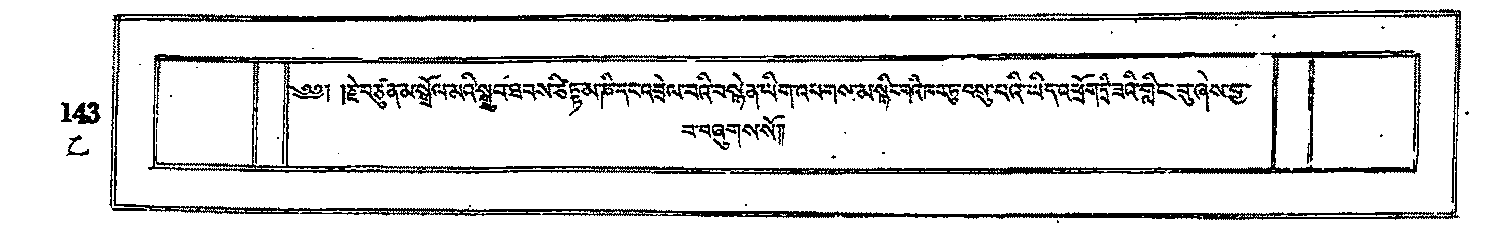༄༅། །རྗེ་བཙུན་མ་སྒྲོལ་མའི་སྒྲུབ་ཐབས་ཙིཏྟ་མ་ཎི་དང་འབྲེལ་བའི་བསྙེན་ཡིག་འཕགས་མ་སྙིང་གའི་ཁབ་ཏུ་བསུ་བའི་ཡིད་འཕྲོས་དྲི་ཟའི་གླིང་བུ་ཞེས་བྱ་
བ་བཞུགས་སོ།།